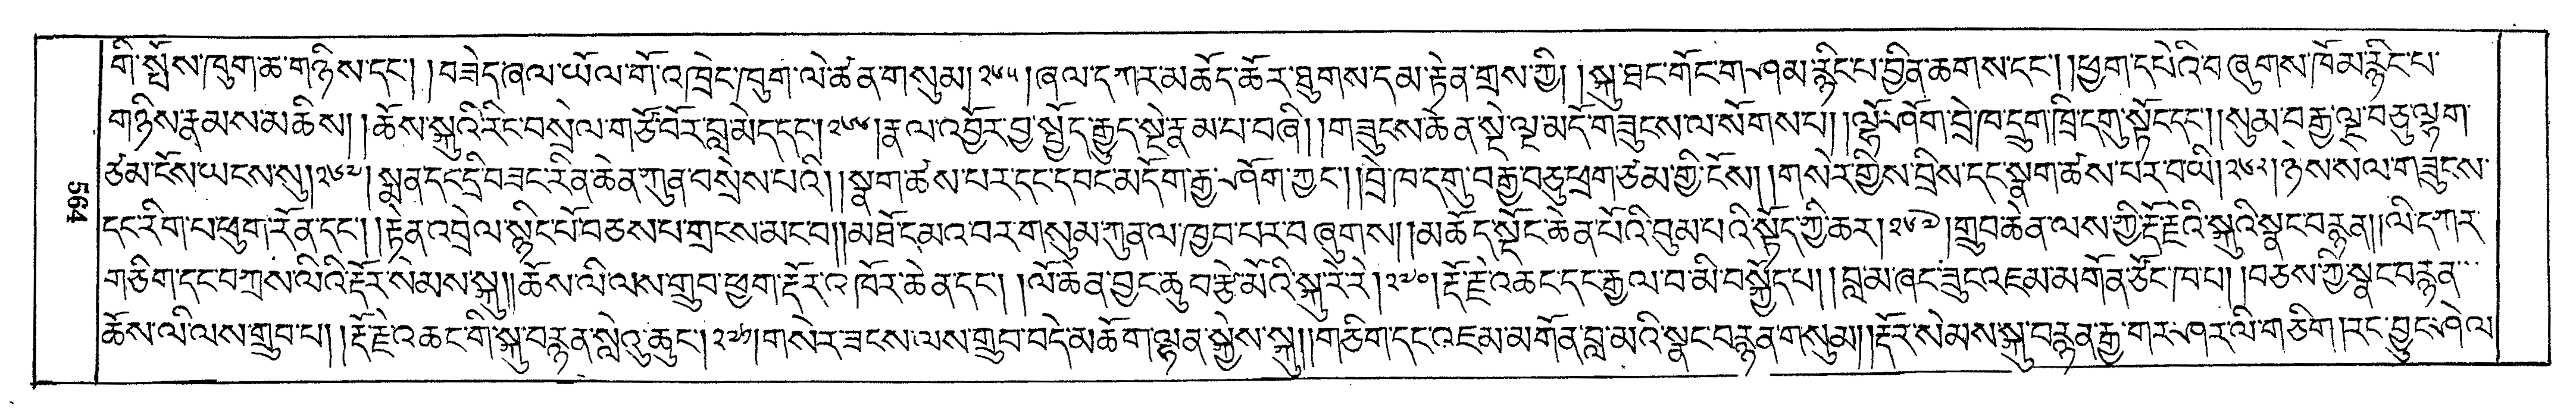གི་སྤོས་ཁུག་ཆ་གཉིས་དང་། །བཟེད་ཞལ་ཡོལ་གོ་འཁྲེད་ཁུག་ལེ་ཚན་གསུམ། ༢༦༥་།ཞལ་དཀར་མཆོད་ཆོར་ཐུགས་དམ་རྟེན་གྲས་ཀྱི། །སྐུ་ཐང་གོང་གཤམ་རྙིང་པ་བྱིན་ཆགས་དང་། །ཕྱག་དཔེའི་བཞུགས་ཁོམ་རྙིང་པ་
གཉིས་རྣམས་མཆིས། །ཆོས་སྐུའི་རིང་བསྲེལ་གཙོ་བོར་བླ་མེད་དང་། ༢༦༦་།རྣལ་འབྱོར་བྱ་སྤྱོད་རྒྱུད་སྔེ་རྣམ་པ་བཞི། །གཟུངས་ཆེན་སྔེ་ལྡ་མདོ་གཟུངས་ལ་སོགས་པ། །ལྷོ་ཤོག་བྲེ་ཁ་དྲུག་ཁྲི་དགུ་སྟོང་དང་། །སུམ་བརྒྱ་ལྔ་བཅུ་ལྷག་
ཙམ་ངོས་ཡངས་སུ། ༢༦༧་།སྨན་དང་དྲི་བཟང་རིན་ཆེན་ཀུན་བསྲེས་པའི། །སྣག་ཚས་པར་དང་དབང་མདོག་རྒྱ་ཤོག་ཀྱང་། །བྲེ་ཁ་དགུ་བརྒྱ་བཅུ་ཕྲག་ཙམ་གྱི་ངོས། །གསེར་གྱིས་བྲིས་དང་སྣག་ཚས་པར་བ་ཡི། ༢༦༨་།ཉེས་སེལ་གཟུངས་
དང་རིག་པ་ཕུག་རོན་དང་། །རྟེན་འབྲེལ་སྙིང་པོ་བཅས་པ་གྲངས་མང་བ། །མཐོ་དམའ་བར་གསུམ་ཀུན་ལ་ཁྱབ་པར་བཞུགས། །མཆོད་སྡོང་ཆེན་པོའི་བུམ་པའི་སྟོད་ཀྱི་ཆར། ༢༦༧་།གྲུབ་ཆེན་ལས་ཀྱི་རྡོ་རྗེའི་སྐུའི་སྣང་བརྙན། །ལི་དཀར་
གཅིག་དང་བཀྲས་ལིའི་རྡོར་སེམས་སྐུ། །ཆོས་ལི་ལས་གྲུབ་ཕྱག་རྡོར་འཁོར་ཆེན་དང་། །ལོ་ཆེན་བྱང་ཆུབ་རྩེ་མོའི་སྐུ་རེ་རེ། ༢༧༠་།རྡོ་རྗེ་འཆང་དང་རྒྱལ་བ་མི་བསྐྱོད་པ། །བླ་མ་ཞང་ཟུང་འཇམ་མགོན་ཙོང་ཁ་པ། །བཅས་ཀྱི་སྣང་བརྙན་
ཆོས་ལི་ལས་གྲུབ་པ། །རྡོ་རྗེ་འཆང་གི་སྐུ་བརྙན་སླེའུ་ཆུང་། ༢༧༡་།གསེར་ཟངས་ལས་གྲུབ་བདེ་མཆོག་ལྷན་སྐྱེས་སྐུ། །གཅིག་དང་འཇམ་མགོན་བླ་མའི་སྣང་བརྙན་གསུམ། །རྡོར་སེམས་སྐུ་བརྙན་རྒྱ་གར་ཤར་ལི་གཅིག །རང་བྱུང་ཤེལ་